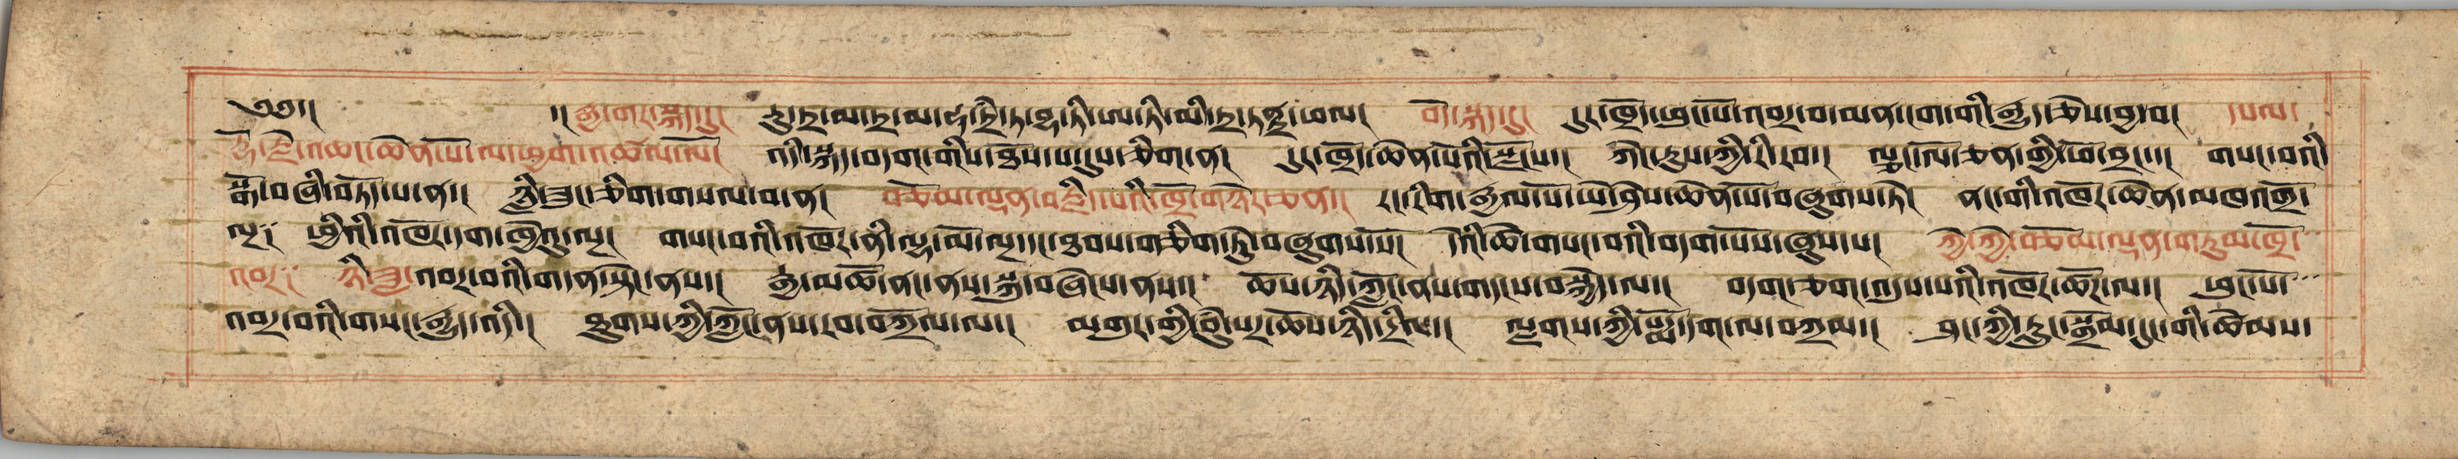༄༅་། ་།རྒྱ་གར་སྐད་དུ་། རུ་ཏྲ་མ་ཏྲ་མ་ཧཱ་ཏྲི་ཏ་བྷ་ཏི་ཨ་ཏི་མི་ཏྲ་ཏནྟྲ་ཕལ། བོད་སྐད་དུ། དུར་ཁྲོད་ཕུང་པོ་འབར་བ་མན་ངག་གི་རྒྱུད་ཅེས་བྱ་བ། དཔལ་
རྡོ་རྗེ་འཆང་ཆེན་པོ་ལ་ཕྱག་འཚལ་ལོ། འདི་སྐད་བདག་གིས་ཐོས་པ་དུས་གཅིག་ན། དུར་ཁྲོད་ཆེན་པོའི་སྫོངས་། ཀེང་རུས་ཀྱི་རི་རབ་། ལྕང་ལོ་ཅན་གྱི་ཕོ་བྲང་་། གསང་བའི་
སྒོ་བཞི་བཏོད་པ་ན་། ཉླི་ཟུང་ཅིག་གསལ་བ་ན། བཅོམ་ལྡན་བརྗིད་པའི་ཁྲོ་གཉེར་ཅན་། རང་རིག་རྒྱལ་པོ་ཡེ་ཤེས་ཆེན་པོ་བཞུགས་ཏེ། ནང་གི་འཁོར་ཆེན་མཁའགྲོ་
ལྔ༑ ཕྱིའི་འཁོར་དག་ཁྱེའུ་ལྔ། གསང་བའི་འཁོར་ནི་ལྷ་མོ་ལྔ་དང་ཐབས་གཅིག་ཏུ་བཞུགས་སོ། དེའི་ཚེ་གསང་བའི་བདག་པོས་ཞུས་པ། ཀྱེ་ཀྱེ་བཅོམ་ལྡན་གཏུམ་ཁྲོ་
འབར༑ ཉི་ཟླ་འབར་བའི་གདན་སྟེང་ནས་། རྒྱ་མཚོ་ནང་ནས་སྐུ་བཞེངས་ནས་། ཆོས་ཉིད་ཀློང་ནས་གདངས་བསྐྱེད་ལ་། བདག་ཅག་འདུས་པའི་འཁོར་ཚོཌ་ལ་། ཕུང་པོ་
འབར་བའི་གསང་རྒྱུད་འདི་། ཐུགས་ཀྱི་ཀློང་ནས་རབ་བཀྲོལ་ལ་། མགུར་གྱི་བུཾ་པར་ཆོས་ཉིད་དྲིལ་། ལྗགས་ཀྱི་པདྨོ་དག་ལ་བཀྲམ་། ཤང་ཀྱི་རླུང་སྒྲོམ་དུང་གི་ཚེམས་